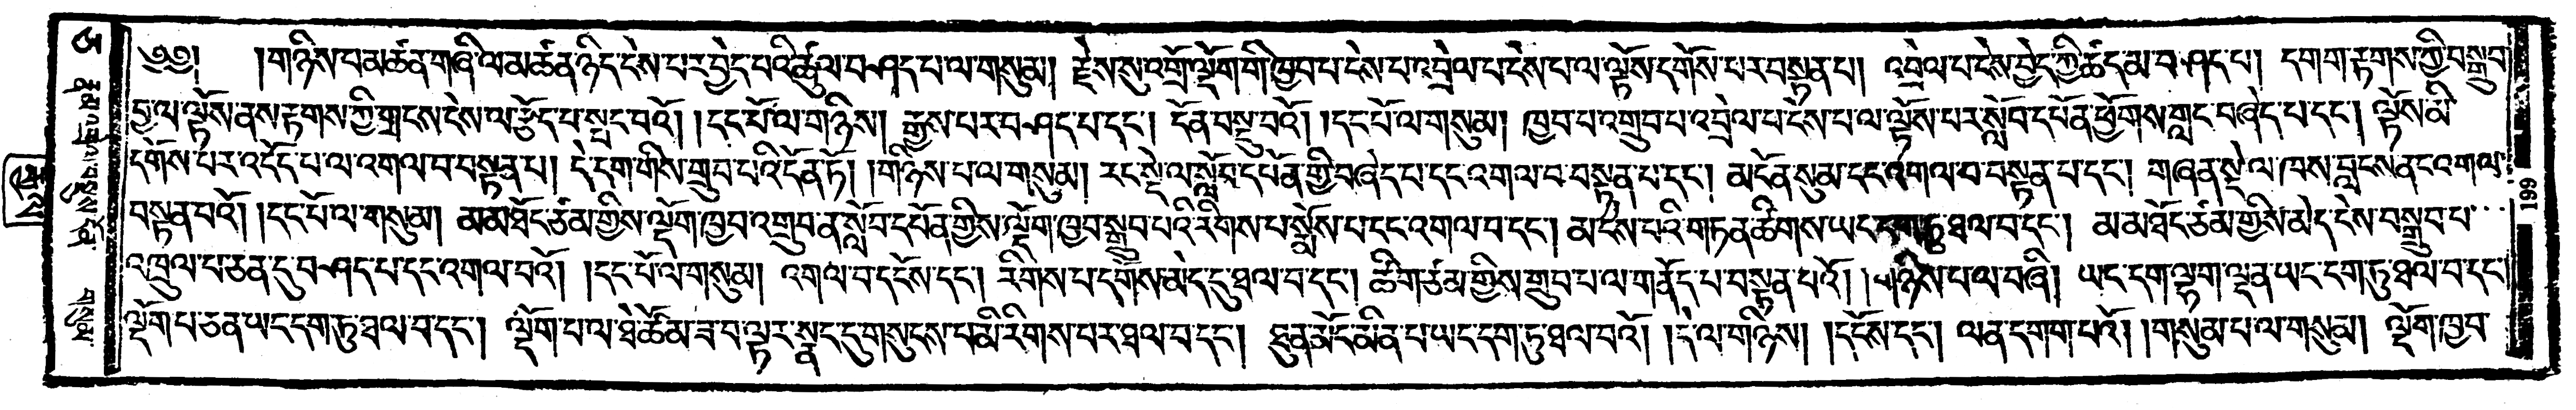༄༅། །གཉིས་པ་མཚན་གཞི་ལ་མཚན་ཉིད་ངེས་པར་བྱེད་པའི་ཚུལ་བཤད་པ་ལ་གསུམ། རྗེས་སུ་འགྲོ་ལྡོག་གི་ཁྱབ་པ་ངེས་པ་འབྲེལ་པ་ངེས་པ་ལ་ལྟོས་དགོས་པར་བསྟན་པ། འབྲེལ་པ་ངེས་བྱེད་ཀྱི་ཚད་མ་བཤད་པ། དགག་རྟགས་ཀྱི་བསྒྲུབ་
བྱ་ལ་ལྟོས་ནས་རྟགས་ཀྱི་གྲངས་ངེས་ལ་རྩོད་པ་སྤང་བའོ། །དང་པོ་ལ་གཉིས། རྒྱས་པར་བཤད་པ་དང་། དོན་བསྡུ་བའོ། །དང་པོ་ལ་གསུམ། ཁྱབ་པ་འགྲུབ་པ་འབྲེལ་པ་ངེས་པ་ལ་ལྟོས་པར་སློབ་དཔོན་ཕྱོགས་གླང་བཞེད་པ་དང་། ལྟོས་མི་
དགོས་པར་འདོད་པ་ལ་འགལ་བ་བསྟན་པ། དེ་དག་གིས་གྲུབ་པའི་དོན་ཏོ། །གཉིས་པ་ལ་གསུམ། རང་སྡེ་ལ་སློབ་དཔོན་གྱི་བཞེད་པ་དང་འགལ་བ་བསྟན་པ་དང་། མངོན་སུམ་དང་འགལ་བ་བསྟན་པ་དང་། གཞན་སྡེ་ལ་ཁས་བླངས་ནང་འགལ་
བསྟན་པའོ། །དང་པོ་ལ་གསུམ། མ་མཐོང་ཙམ་གྱིས་ལྡོག་ཁྱབ་འགྲུབ་ན་སློབ་དཔོན་གྱིས་ལྡོག་ཁྱབ་སྒྲུབ་པའི་རིགས་པ་སྨོས་པ་དང་འགལ་བ་དང་། མ་ངེས་པའི་གཏན་ཚིགས་ཡང་དག་ཏུ་ཐལ་བ་དང་། མ་མཐོང་ཙམ་གྱིས་མེད་ངེས་བསྒྲུབ་པ་
འཁྲུལ་པ་ཅན་དུ་བཤད་པ་དང་འགལ་བའོ། །དང་པོ་ལ་གསུམ། འགལ་བ་དངོས་དང་། རིགས་པ་དགོས་མེད་དུ་ཐལ་བ་དང་། ཚིག་ཙམ་གྱིས་གྲུབ་པ་ལ་གནོད་པ་བསྟན་པའོ། །གཉིས་པ་ལ་བཞི། ཡང་དག་ལྷག་ལྡན་ཡང་དག་ཏུ་ཐལ་བ་དང་།
ལྡོག་པ་ཅན་ཡང་དག་ཏུ་ཐལ་བ་དང་། ལྡོག་པ་ལ་ཐེ་ཚོམ་ཟ་བ་ལྟར་སྣང་དུ་གསུངས་པ་མི་རིགས་པར་ཐལ་བ་དང་། ཐུན་མོང་མིན་པ་ཡང་དག་ཏུ་ཐལ་བའོ། །དེ་ལ་གཉིས། དངོས་དང་། ལན་དགག་པའོ། །གསུམ་པ་ལ་གསུམ། ལྡོག་ཁྱབ་